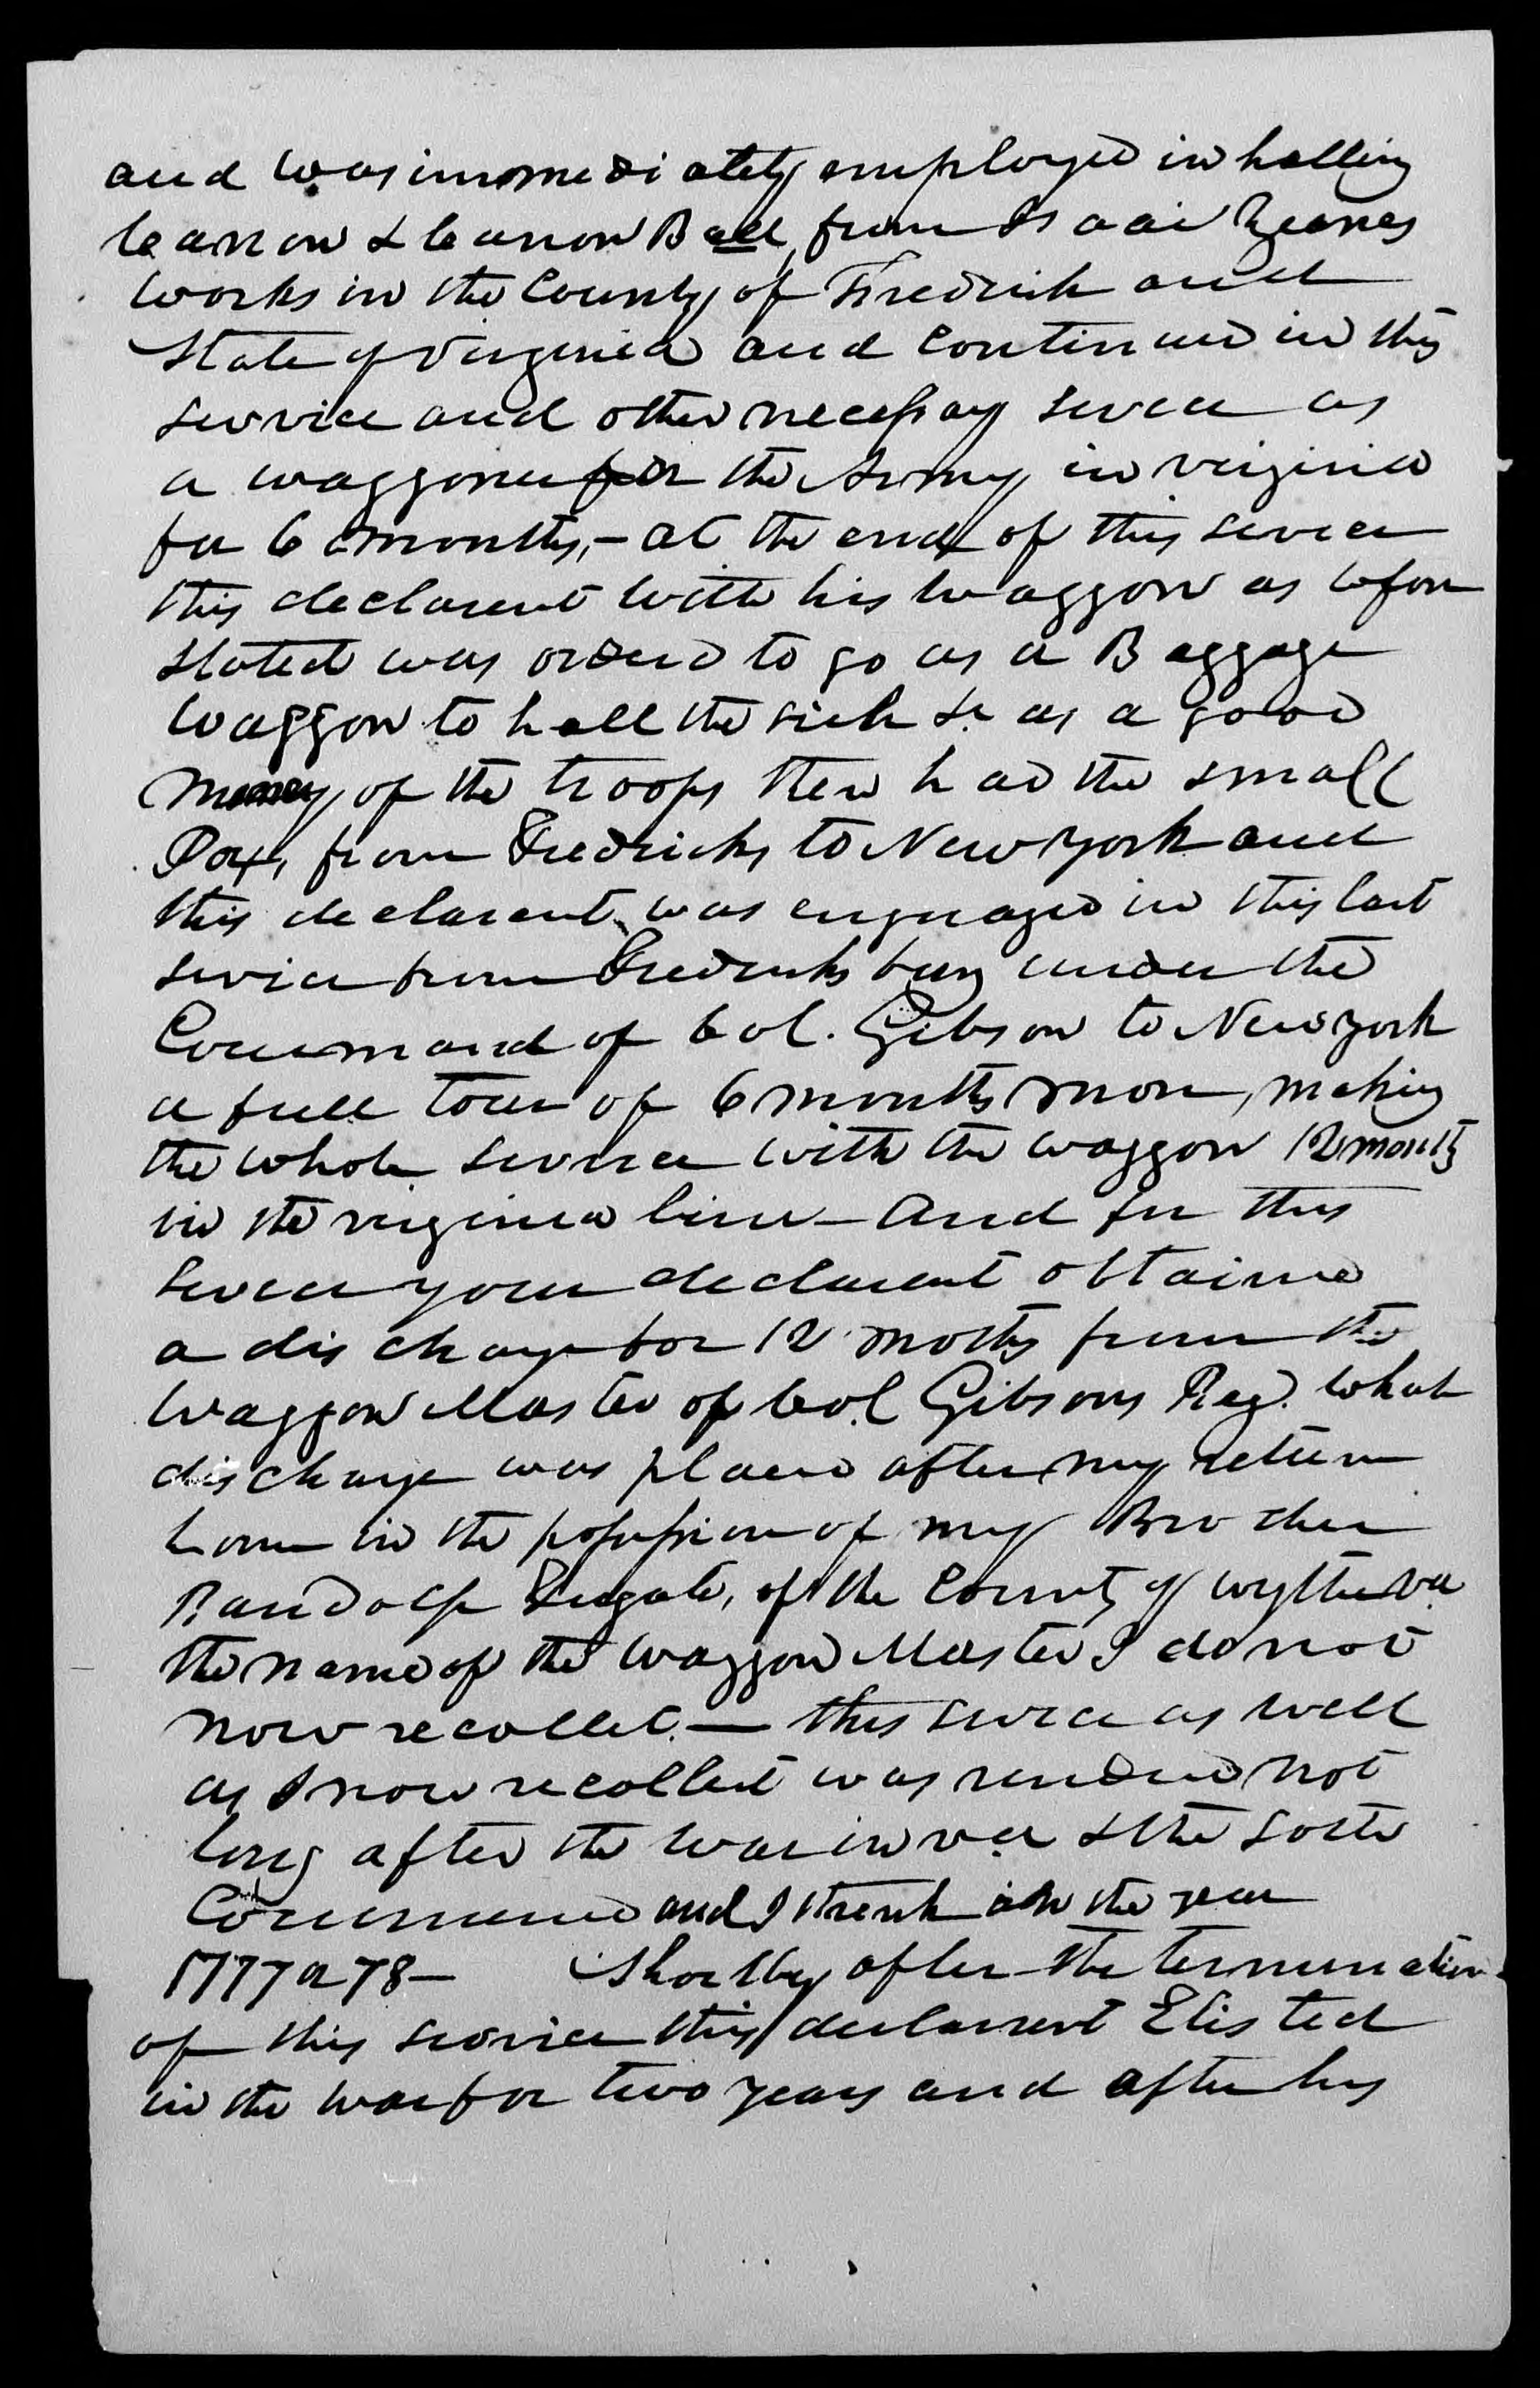and was immediately employed in halling [hauling] Canon + [and] Canon Ball [illegible] James works in the county of Fredricks and State of Virginia and continued in this service and other necessary service as a waggoneer for the Army in Virginia for 6 months, - at the end of this service this declarent with his waggon as before stated was ordered to go as a Baggage Waggon to hall [haul] the sick + [and] as a good many of the troops then had the small pox, from Fredricks to New York and this declarent was engaged in this Cart service from Fredricksburg under the Command of Col. Gibson to New York a full tour of 6 months more, making the whole service with the waggon 12 months in the virginia line - And for this service your declarent obtained a discharge for 12 months term the Waggon Master of Col. Gibson Reg. what discharge was placed after my return home in the possession of my Brother named Randolph Fugate, of the county of wythe va the name of the waggon Master I do not now recollect - this service as well as I now recollect was rendered not long after the war in va [and] the south continued and I think in the year 1777 or 78 - shortly after the termination of this service this declarent elisted [enlisted] in the war for two years and after his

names: Gibson, Gibson, Randolph Fugate, Isaac Geanes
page: 5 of 18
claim: survivor's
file: S. 15,846, James Fugate, Va.